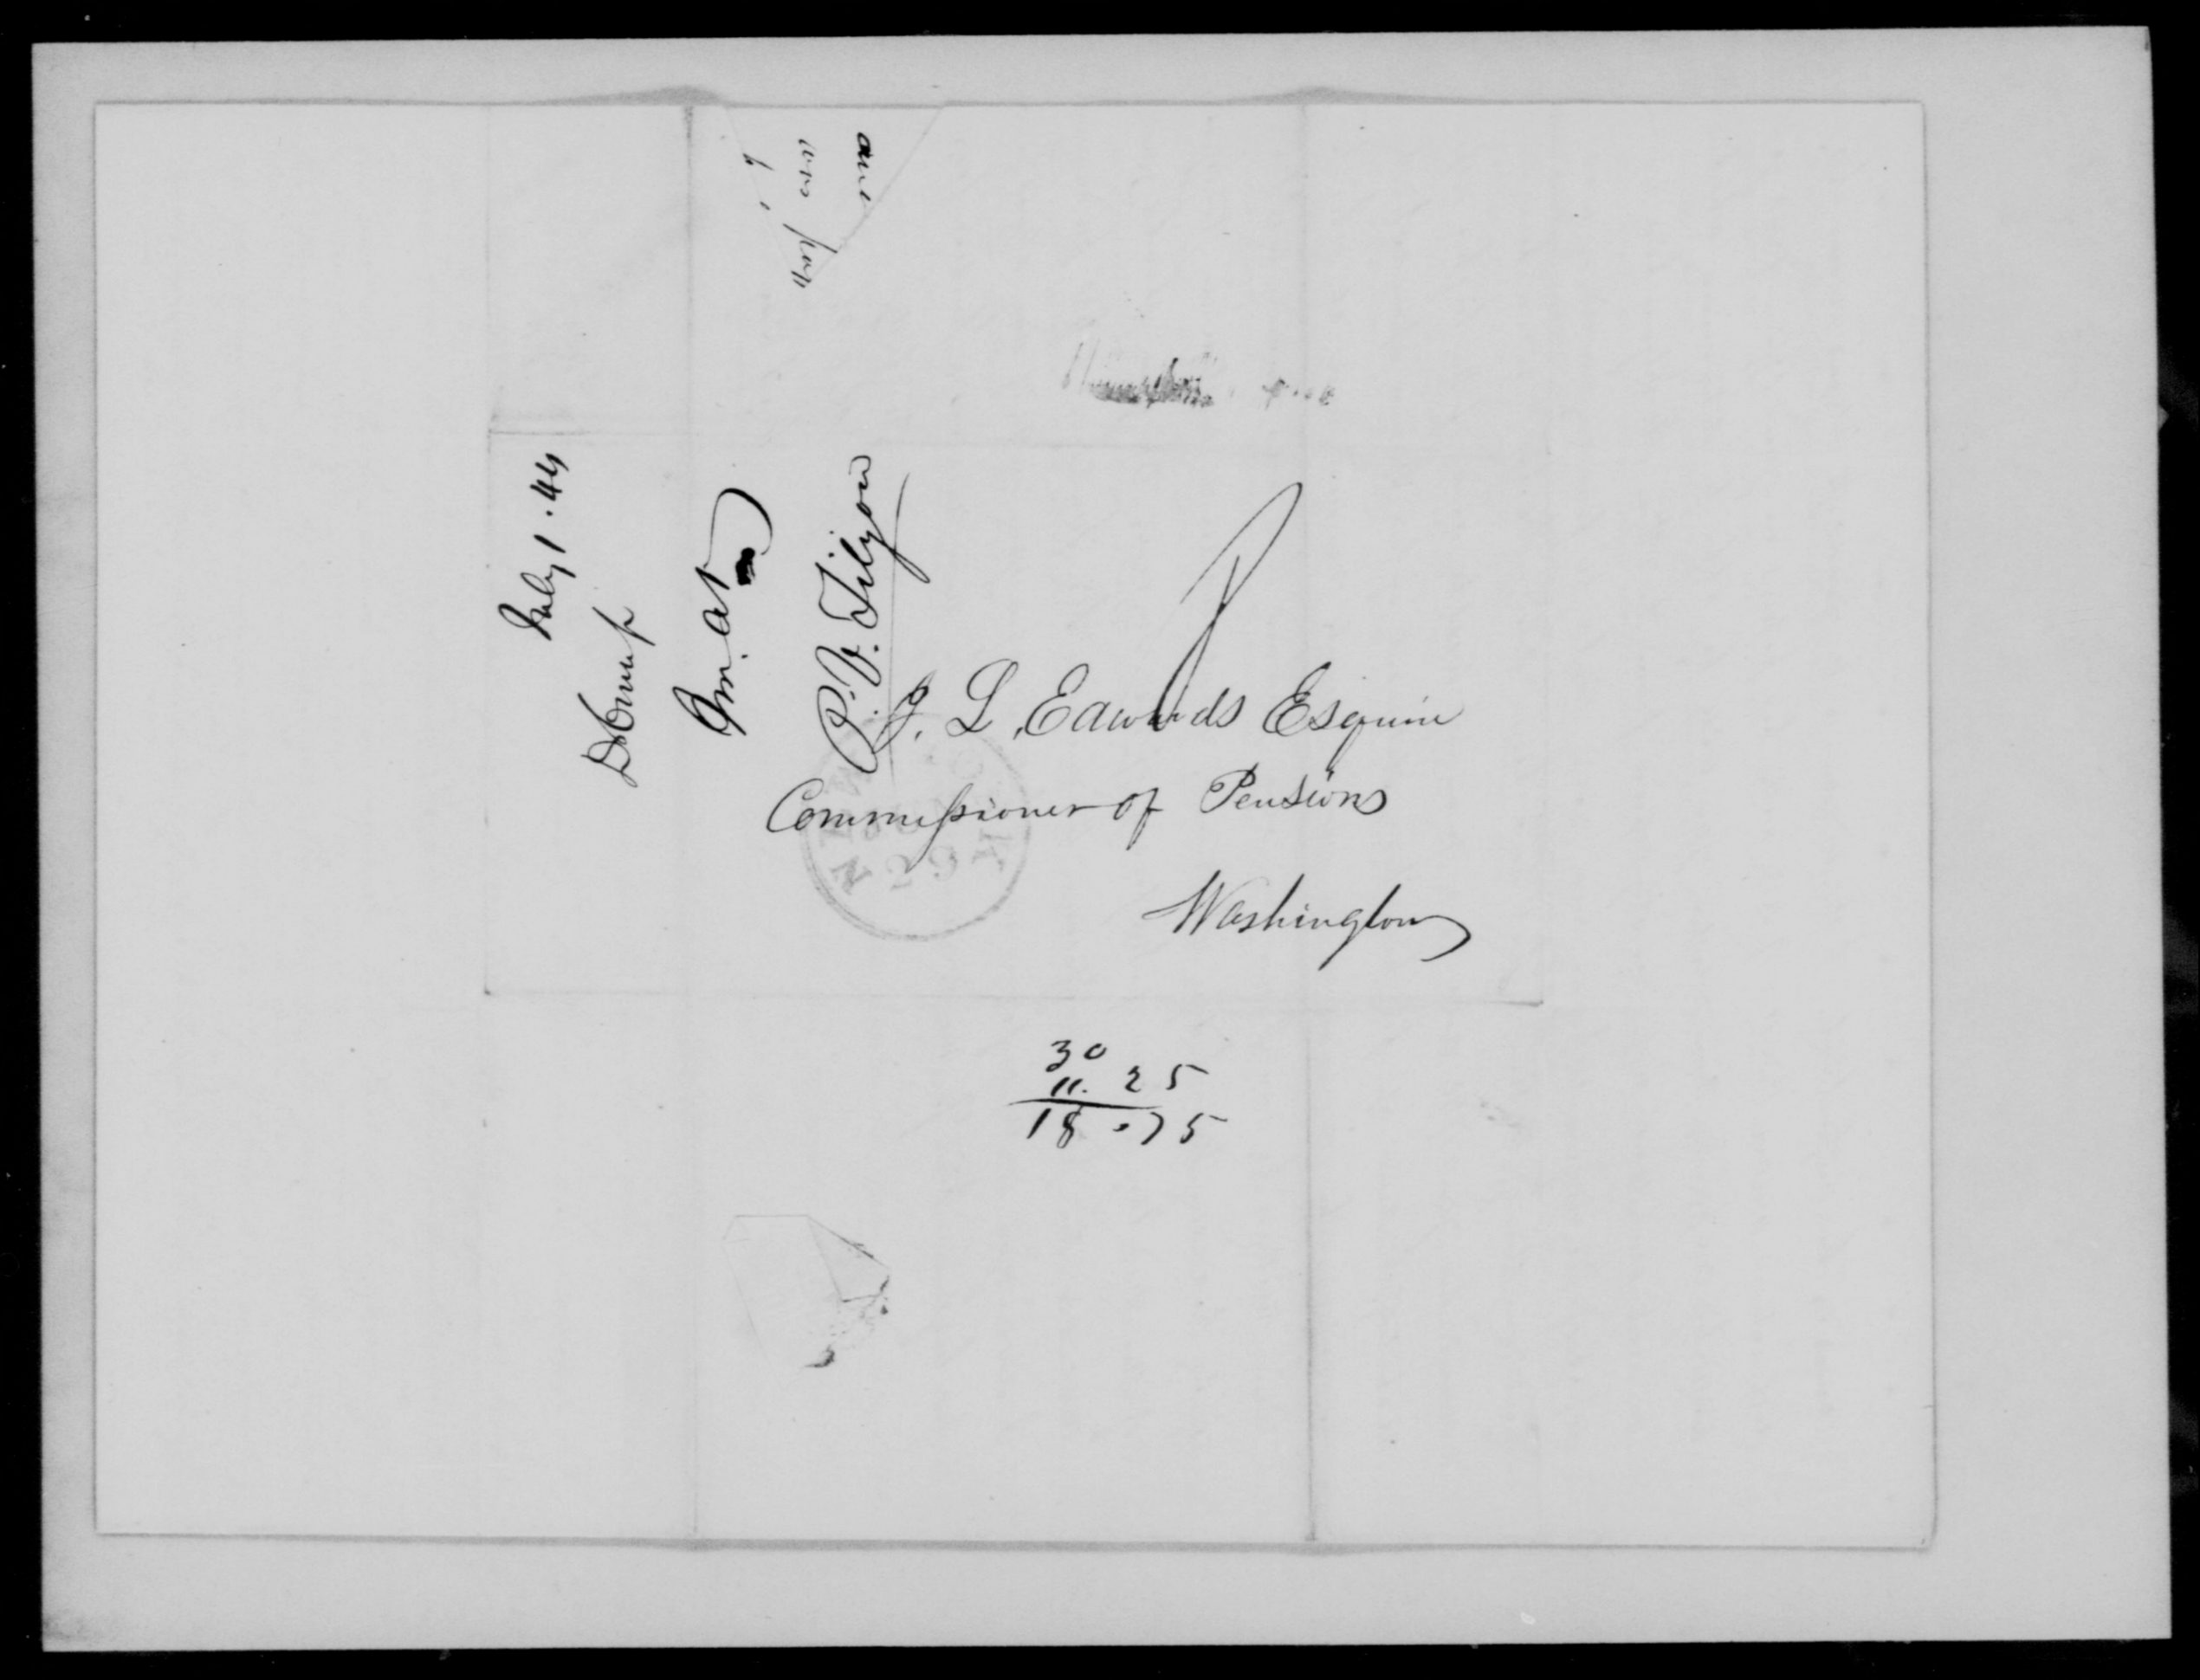J.L. Edwards Esquire
Commissioner of Pensions
 Washington
[on side]
July 1. 44
D Crump
 [Jm a?]
  P.V. Tilyou
[postal mark] NEW YORK JUN 29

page: 87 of 101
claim: widow's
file: W. 25481, for Peter V Tilyou, New Jersey